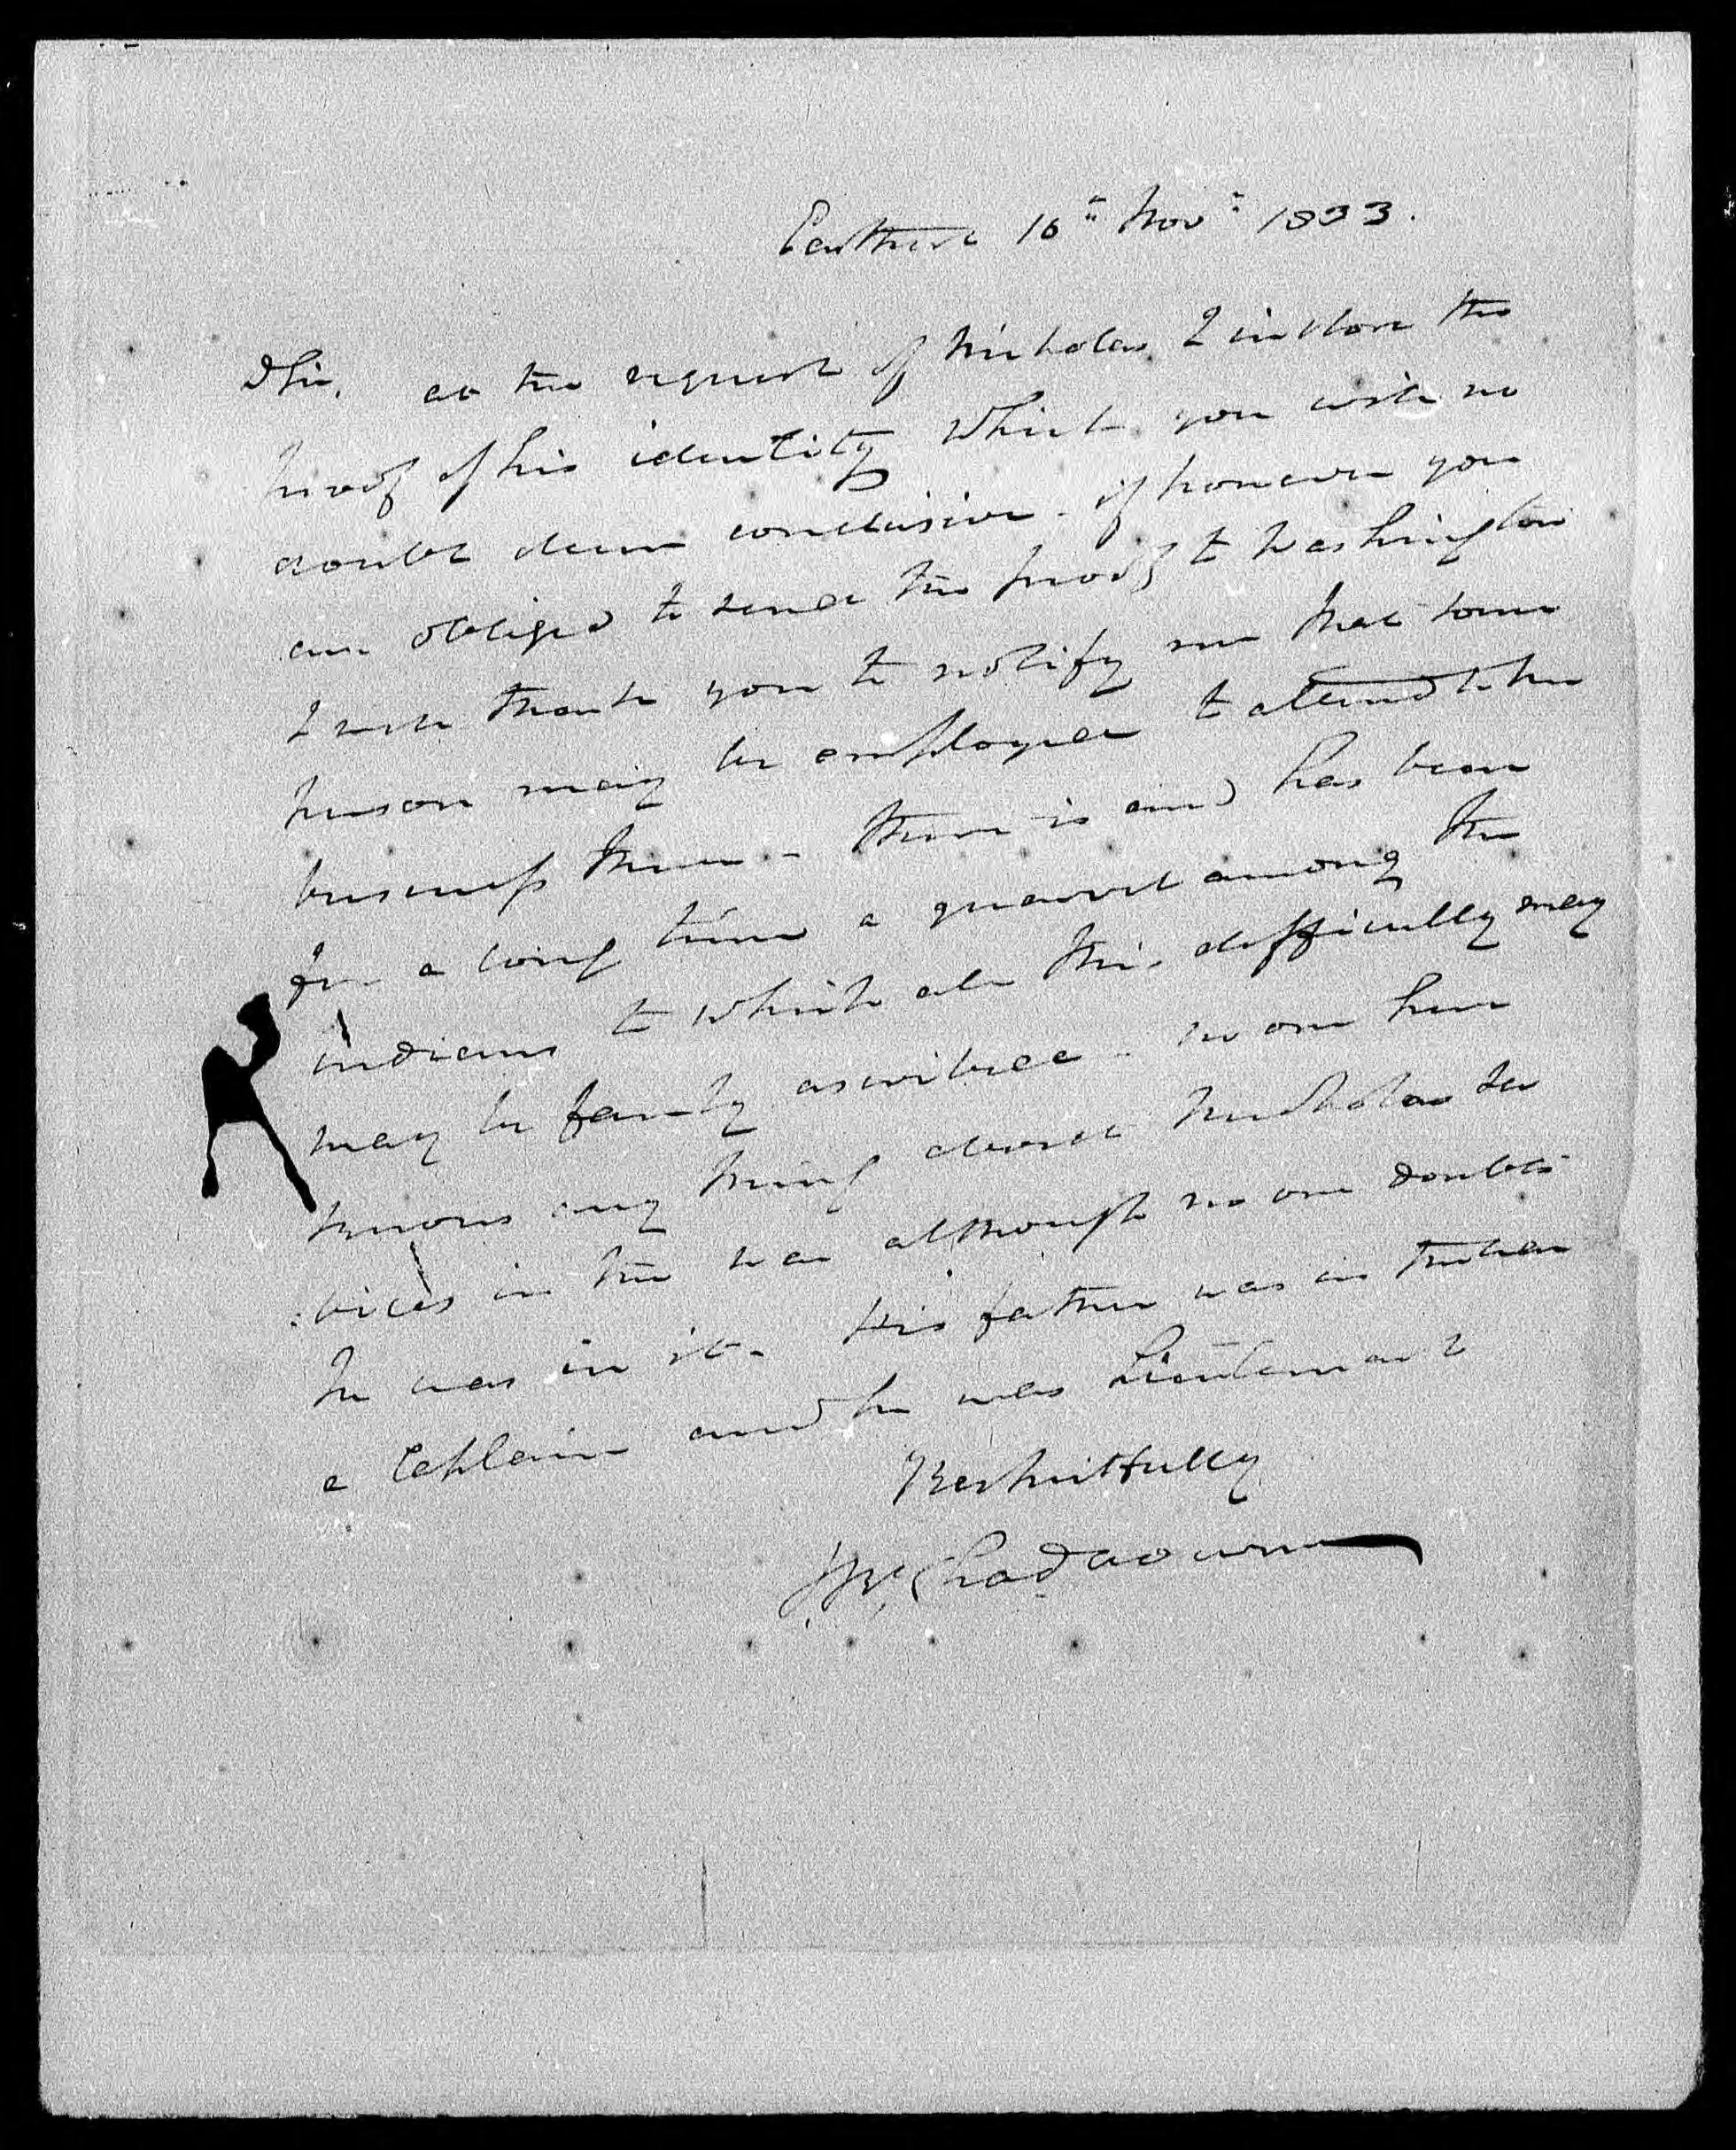Eastern 15th Novr. 1833.

D Sir at this request of Nicholas [Winston?] the
proof of his identity Which you will no
doubt deem conclusive - if however you
are obliged to send this proof to Washington
I will thank you to notify me that some
person may be employed to attend to his
business there - there is and has been
for a long time a quarrel among the
indians to which [all?] this officially may
may be [formerly?] ascribed - no one here
know any thing about Nicholas ser
vices in this war although no one doubts
he was in it. His father was an Indian
a Captain and he was Lieutenant

Respectfully
J. R. Chadbourne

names: Nicholas, J B Chadbourn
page: 40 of 52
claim: survivor's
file: S 17997, Nicholas Hawwawas, Mass.